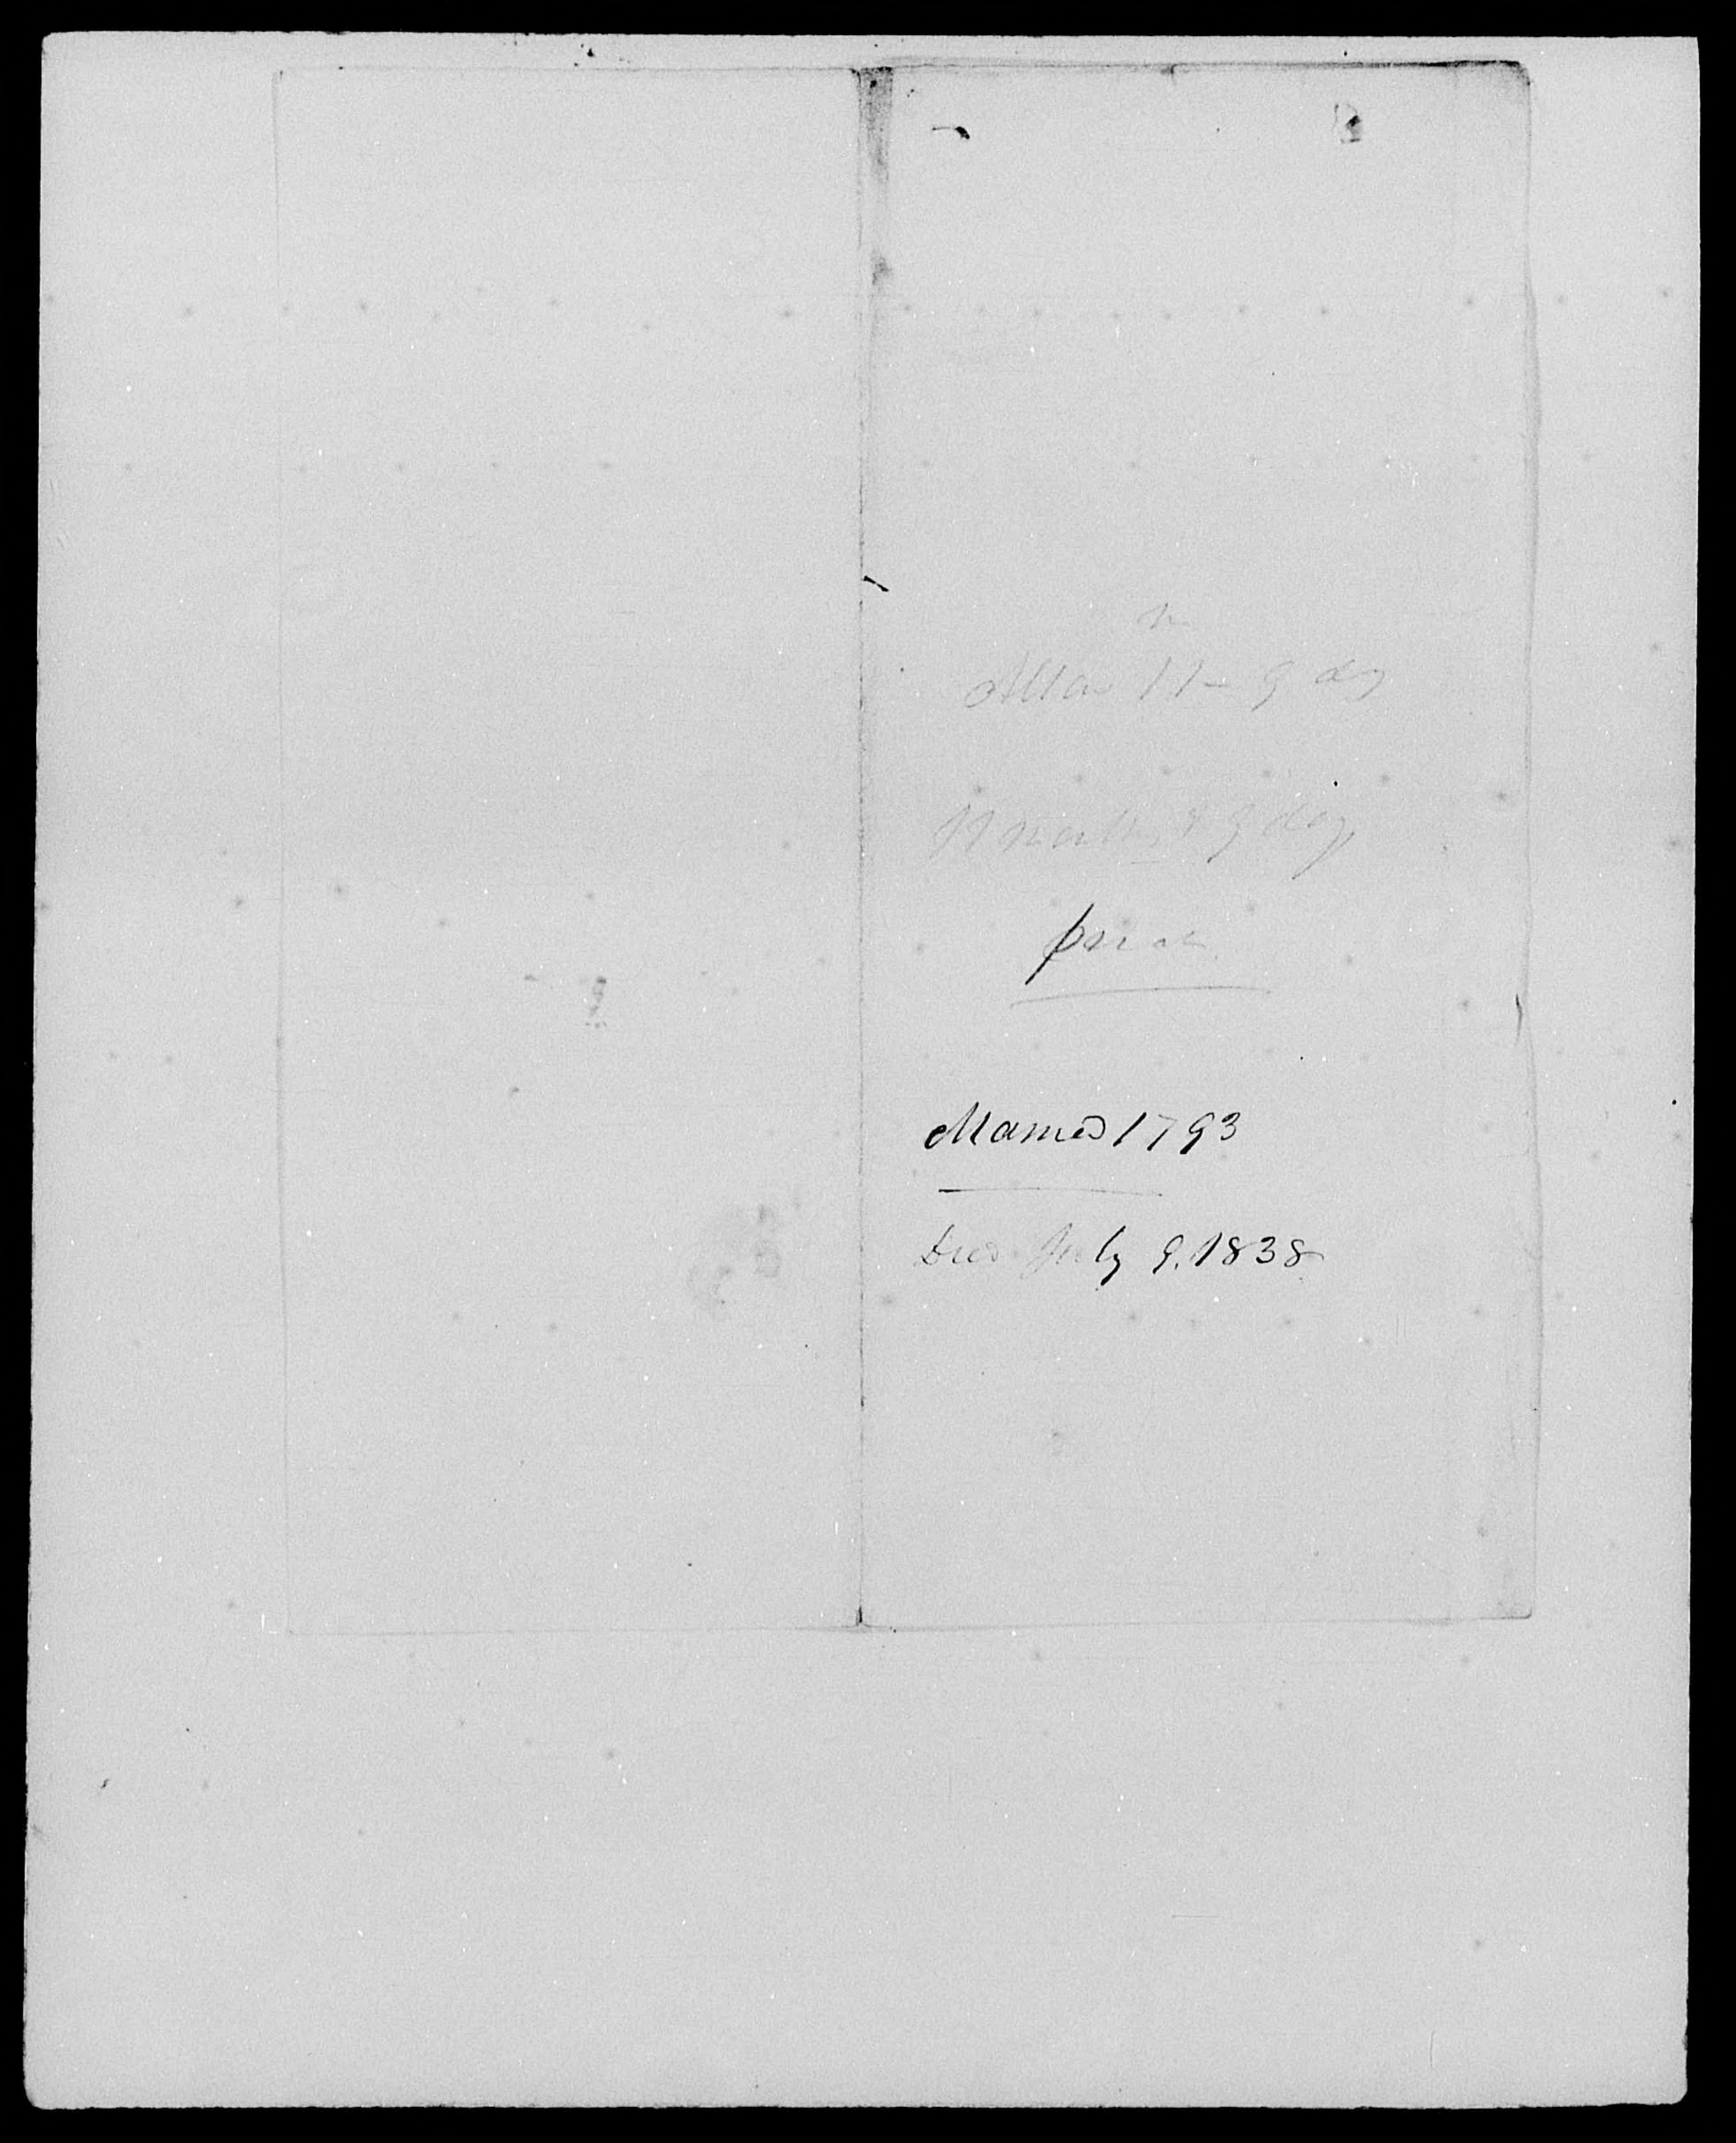Allan 11 - 9 day

11 months & 3 day


Married 1793
Died July 9. 1838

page: 58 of 59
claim: widow's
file: W. 23017, Richard Clair Everett, Mass.